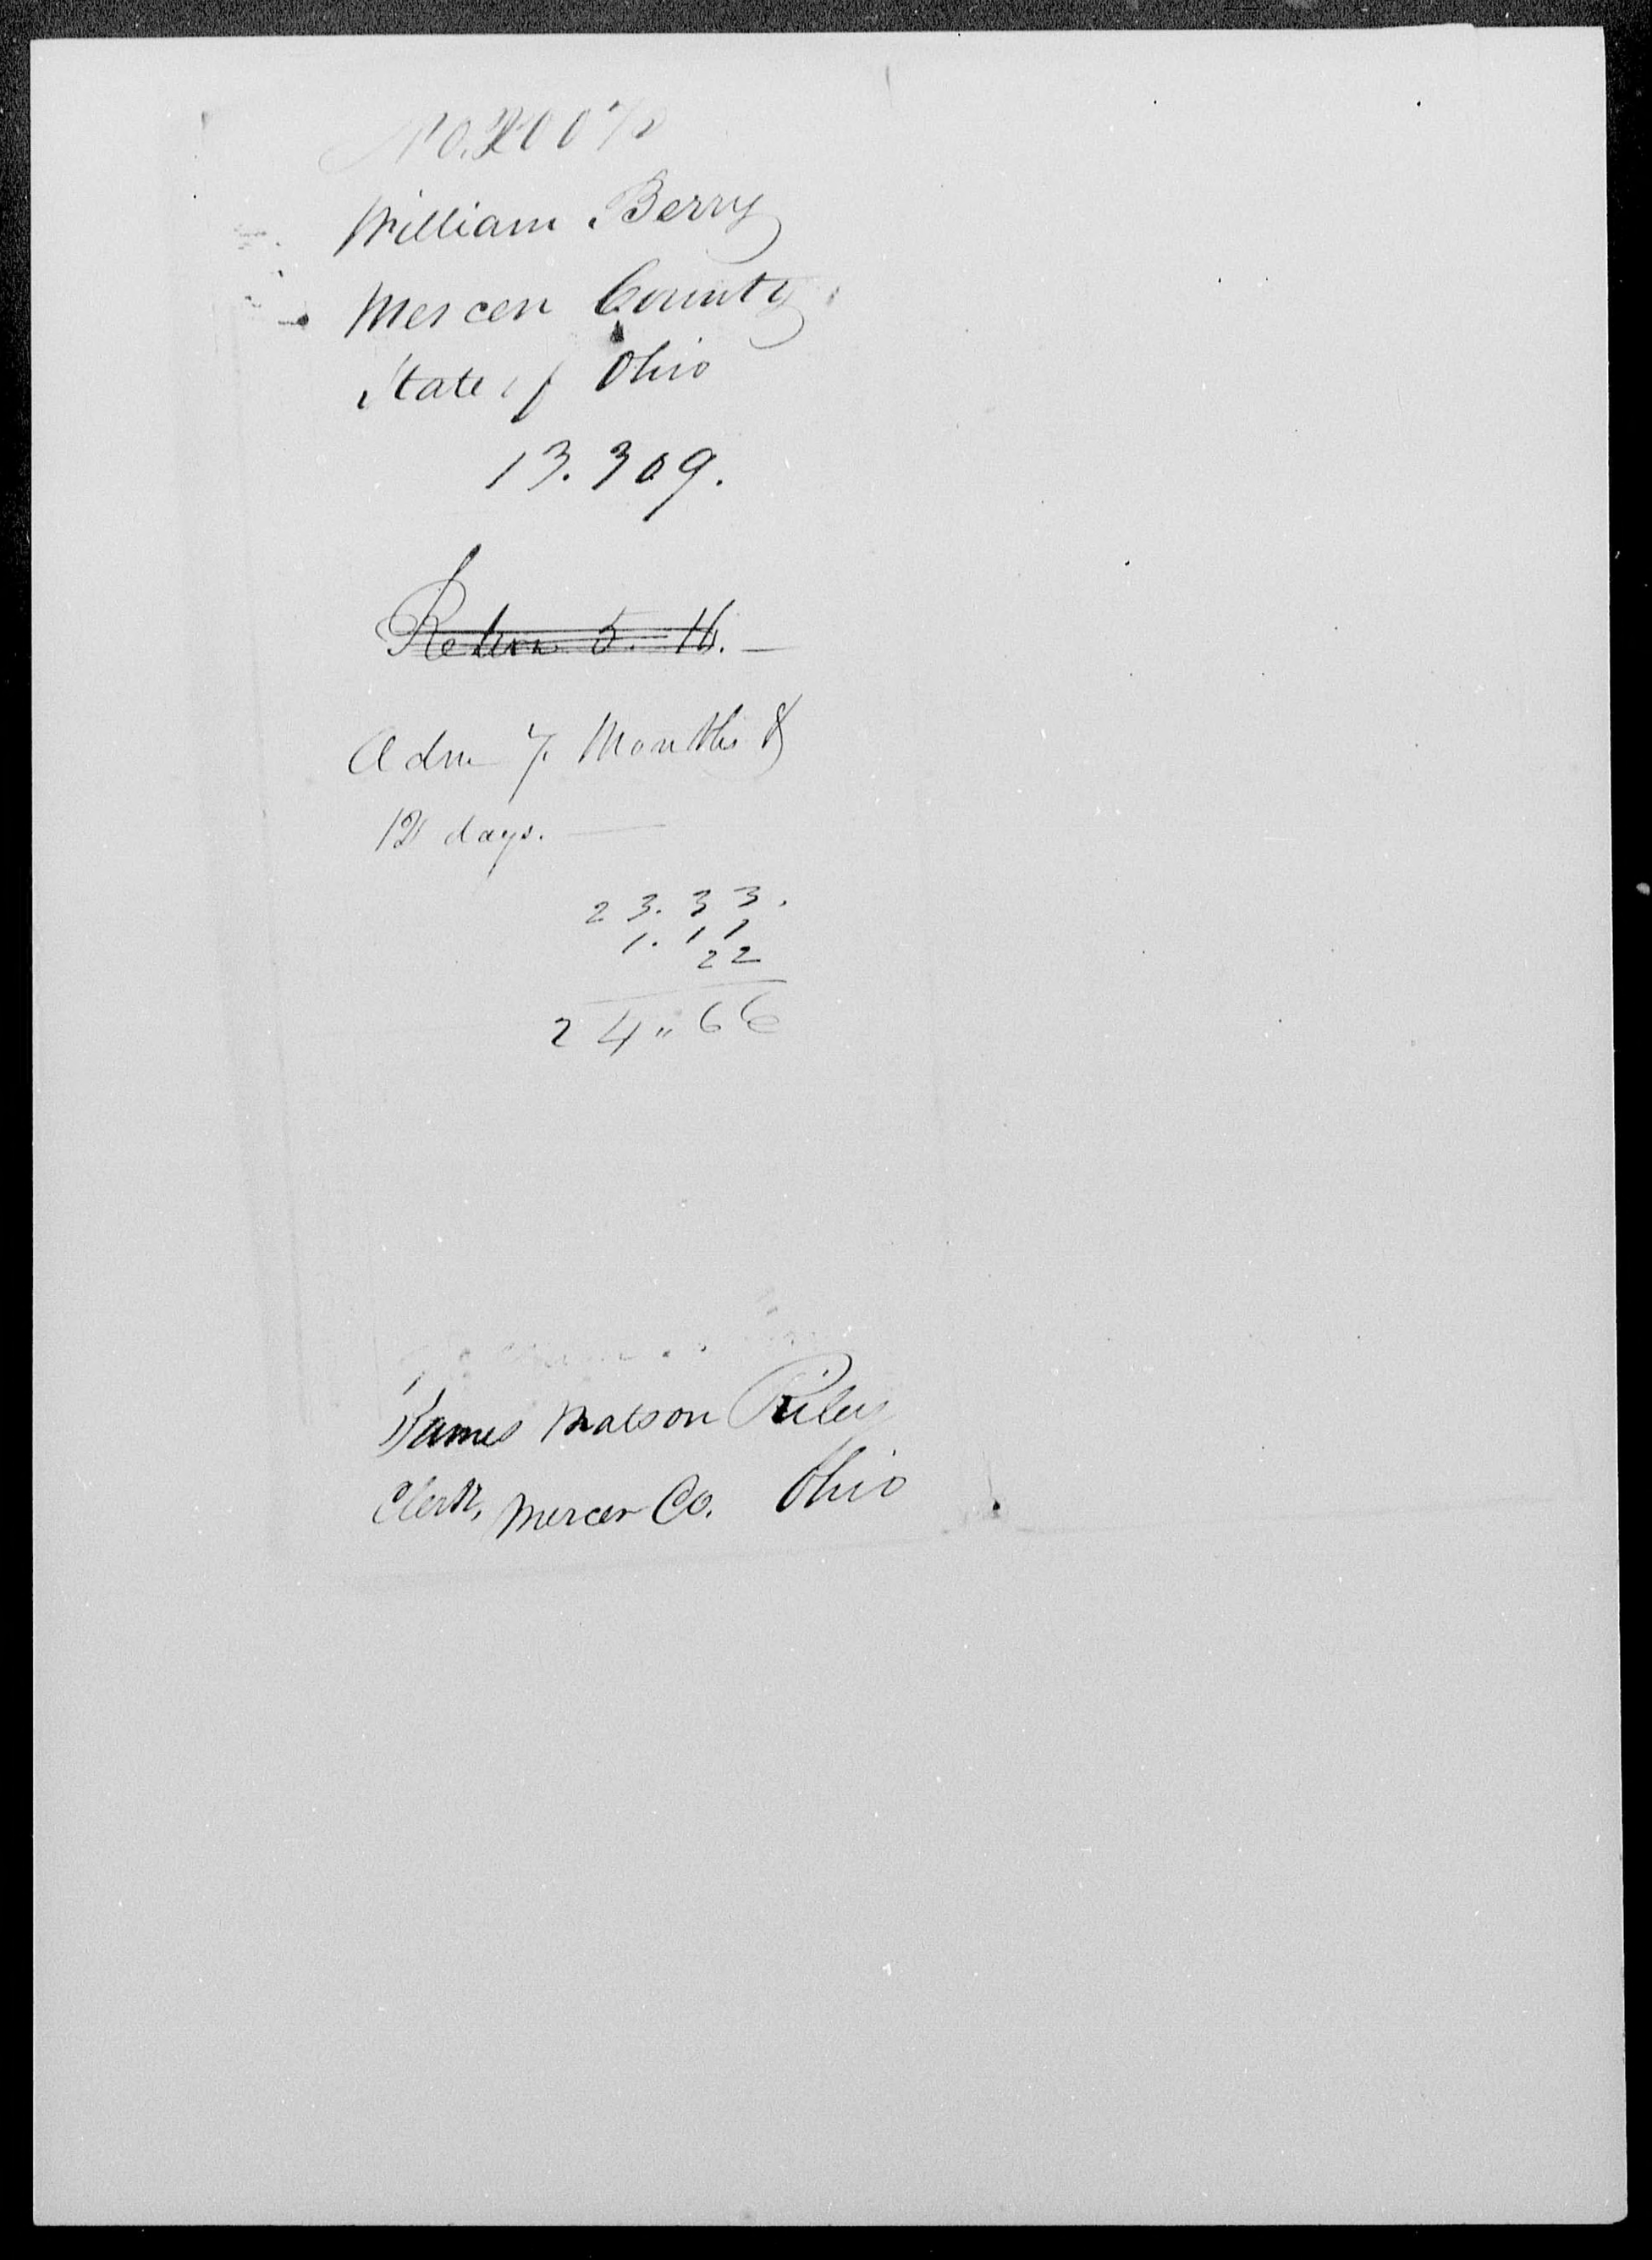No 20072

William Berry Mercer County State of Ohio 

13.309. 

Adm 7 months & 12 days 
23.33 
1.11 
22
24.66 

James Watson Riley Clerk, Mercer Co. Ohio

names: James Watson Riley, William Berry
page: 10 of 21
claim: survivor's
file: S. 2,371, William Berry, Va.